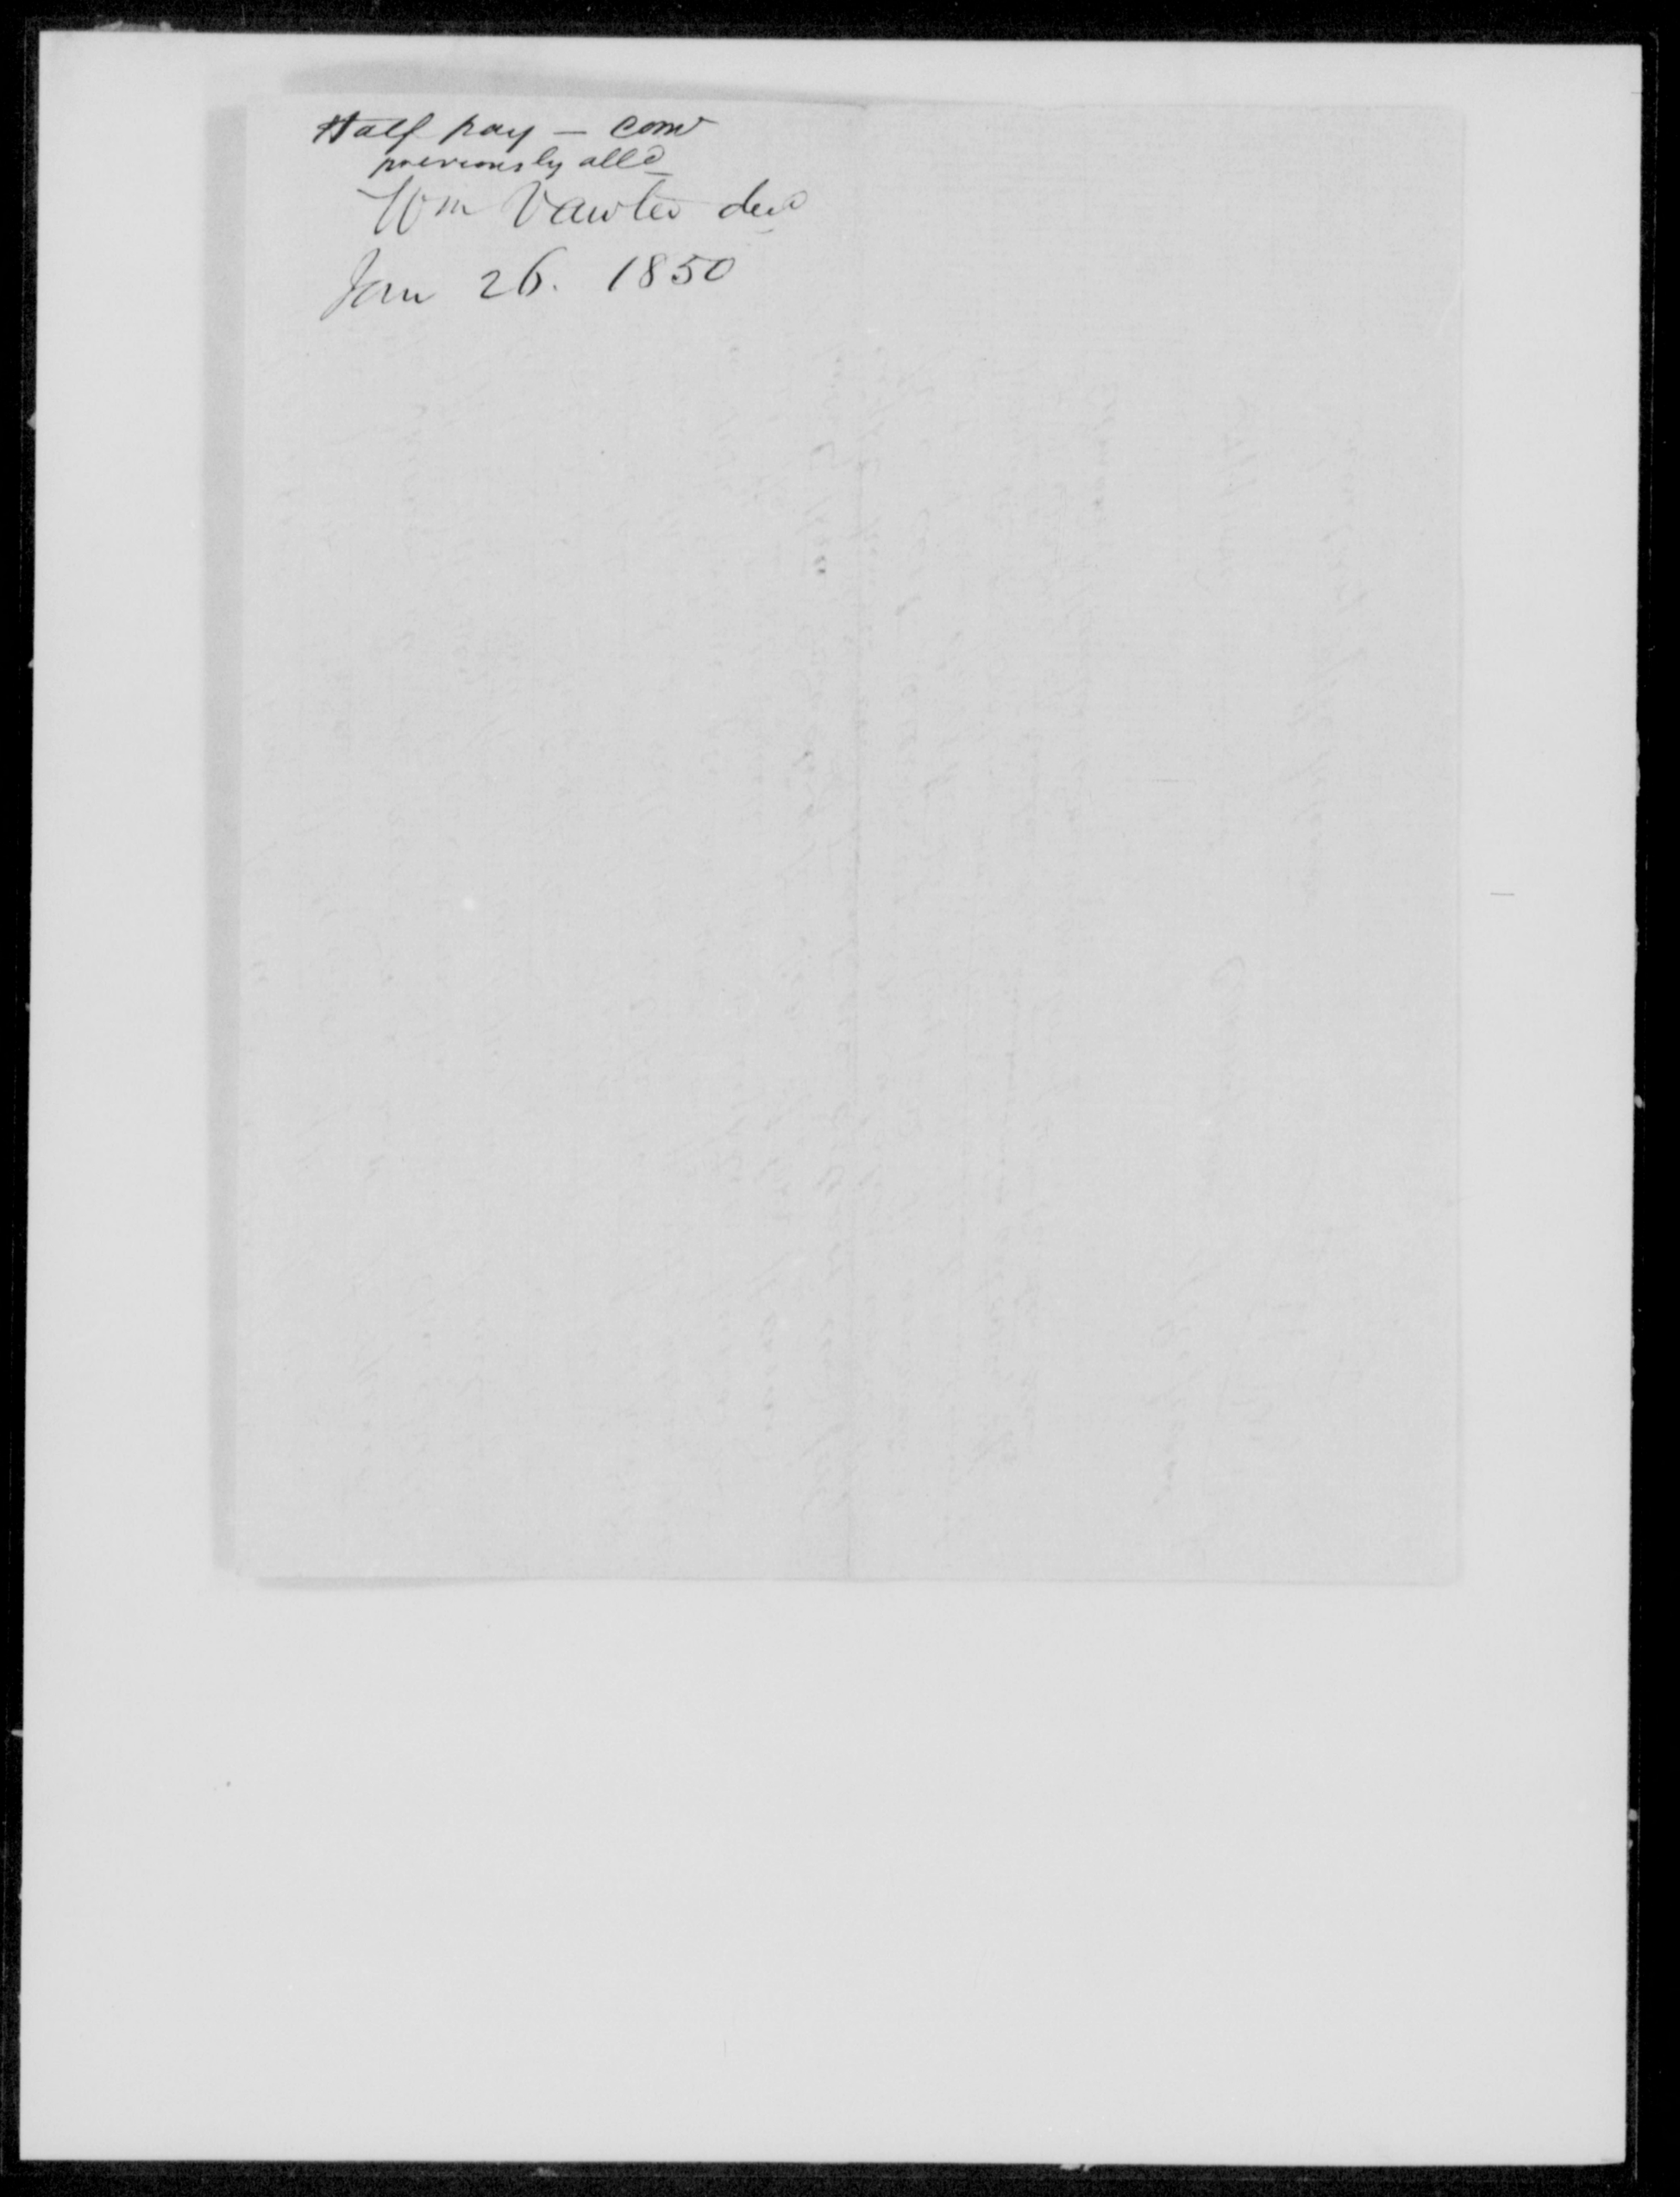Half pay com
previously allo
Wm Vawter decd
Jan 26. 1850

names: Wm Vawter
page: 19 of 51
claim: rejected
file: R. 10,921, William Vawter, Va.